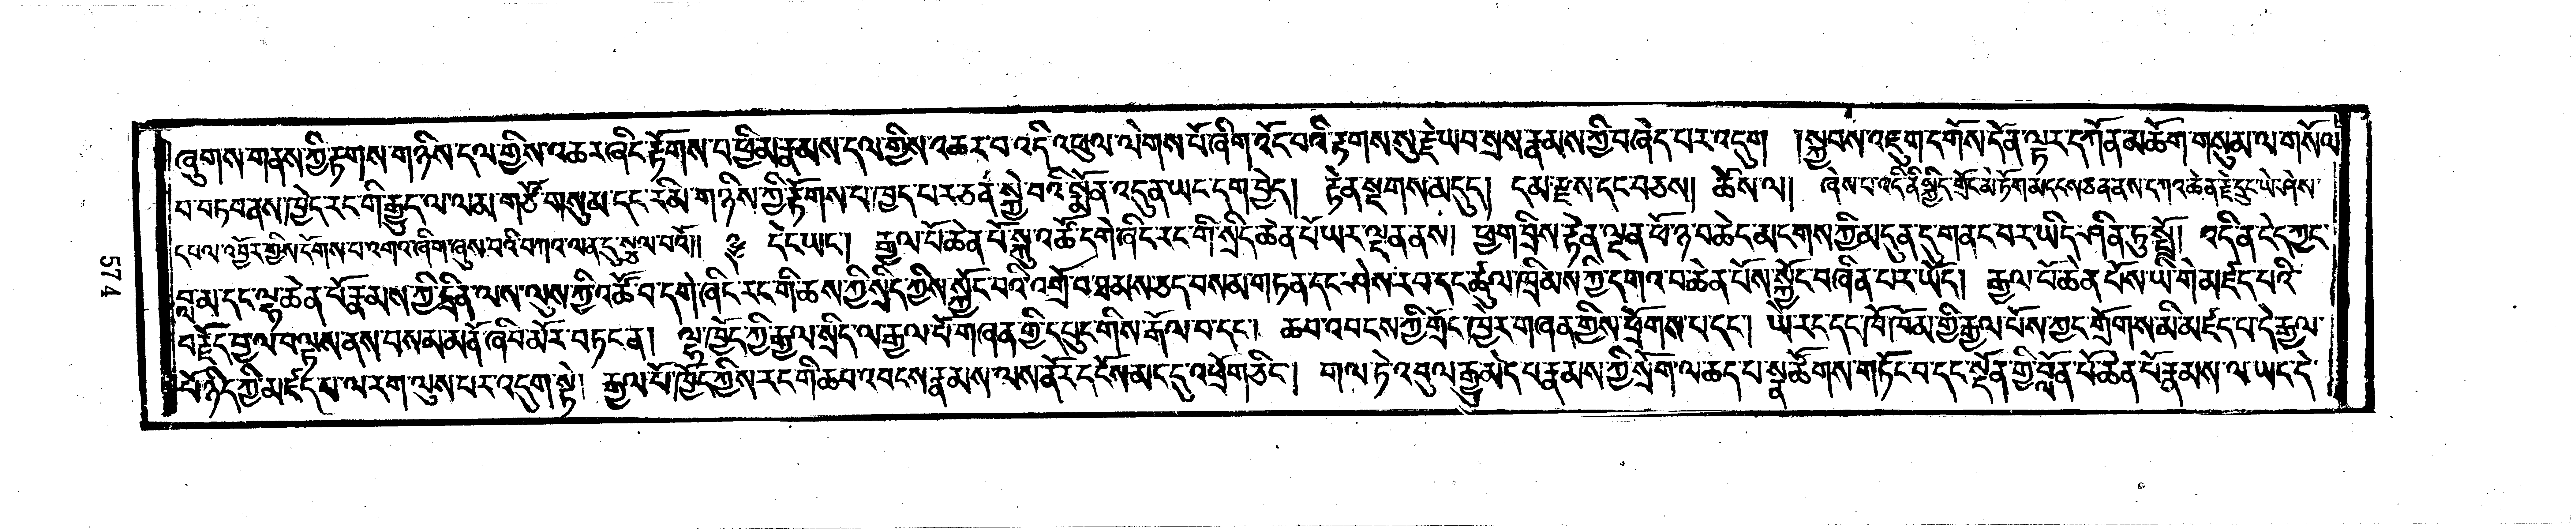ཞུགས་གནས་ཀྱི་རྟགས་གཉིས་དལ་གྱིས་འཆར་ཞིང་རྟོགས་པ་ཕྱི་མ་རྣམས་དལ་གྱིས་འཆར་བ་འདི་འཕུལ་ལེགས་པོ་ཞིག་འོང་བའི་རྟགས་སུ་རྗེ་ཡབ་སྲས་རྣམས་ཀྱི་བཞེད་པར་འདུག །སྐྱབས་འཇུག་དགོས་དོན་ལྟར་དཀོན་མཆོག་གསུམ་ལ་གསོལ་
བ་བཏབ་ནས་ཁྱེད་རང་གི་རྒྱུད་ལ་ལམ་གཙོ་གསུམ་དང་རིམ་གཉིས་ཀྱི་རྟོགས་པ་ཁྱད་པར་ཅན་སྐྱེ་བའི་སྨོན་འདུན་ཡང་དག་བྱེད། རྟེན་སྔགས་མདུད། དམ་རྫས་དང་བཅས། ཚེས་ལ། ཞེས་པ་འདི་ནི་སྐྱིད་གྲོང་མེ་ཏོག་མདངས་ཅན་ནས་དཀའ་ཆེན་རྗེ་དྲུང་ཡེ་ཤེས་
དཔལ་འབྱོར་གྱིས་དོགས་པ་འགའ་ཞིག་ཞུས་པའི་བཀའ་ལན་དུ་སྩལ་བའོ།། ༈ དེང་ཡང་། རྒྱལ་པོ་ཆེན་པོ་སྐུ་འཚོ་དགེ་ཞིང་རང་གི་སྲིད་ཆེན་པོ་ཡར་ལྡན་ནས། ཕྱག་བྲིས་རྟེན་ལྡན་ཕོ་ཉ་བ་ཆེད་མངགས་ཀྱི་མདུན་དུ་གནང་བར་ཡིད་ཤིན་ཏུ་སྤྲོ། འདི་ན་ངེད་ཀྱང་
བླ་མ་དང་ལྷ་ཆེན་པོ་རྣམས་ཀྱི་དྲིན་ལས་ལུས་ཀྱི་འཚོ་བ་དགེ་ཞིང་རང་གི་ཆས་ཀྱི་སྲིད་ཀྱིས་སྐྱོང་བའི་འགྲོ་བ་ཐམས་ཅད་བསམ་གཏན་དང་ཤེས་རབ་དང་ཚུལ་ཁྲིམས་ཀྱི་དགའ་བ་ཆེན་པོས་སྐྱོང་བཞིན་པར་ཡོད། རྒྱལ་པོ་ཆེན་པོས་ཡི་གེ་མཛད་པའི་
བརྗོད་བྱ་ལ་བལྟས་ནས་བསམ་མནོ་ཞིབ་མོར་བཏང་ན། ལྷ་ཁྱོད་ཀྱི་རྒྱལ་སྲིད་ལ་རྒྱལ་པོ་གཞན་གྱི་དཔུང་གིས་རྒོལ་བ་དང་། ཆབ་འབངས་ཀྱི་གྲོང་ཁྱེར་གཞན་གྱིས་ཕྲོགས་པ་དང་། ཡེ་རང་དང་ཁོ་ཁོམ་གྱི་རྒྱལ་པོས་ཀྱང་གྲོགས་མི་མཛད་པ་དེ་རྒྱལ་
པོ་ཉིད་ཀྱི་མཛད་པ་ལ་རག་ལུས་པར་འདུག་སྟེ། རྒྱལ་པོ་ཁྱོད་ཀྱིས་རང་གི་ཆབ་འབངས་རྣམས་ལས་ནོར་དངོས་མང་དུ་འཕྲོག་ཅིང་། གལ་ཏེ་འབུལ་རྒྱུ་མེད་པ་རྣམས་ཀྱི་སྲོག་ལ་ཆད་པ་སྣ་ཚོགས་གཏོང་བ་དང་སྡོན་གྱི་བློན་པོ་ཆེན་པོ་རྣམས་ལ་ཡང་དེ་